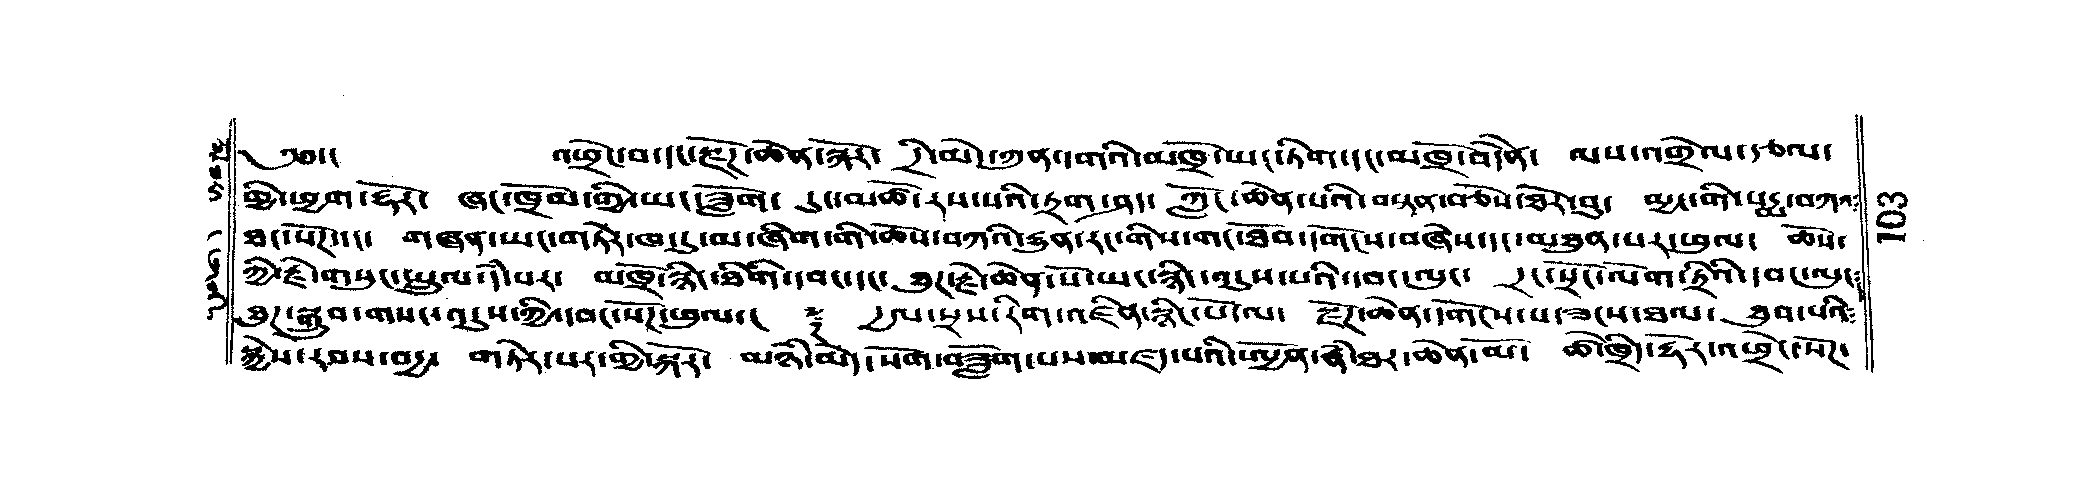འཕྲེང་བ་དང་རྫོགས་ཆེན་སྐོར། དྲི་མེད་ཀུན་དགའི་མཁའ་འགྲོ་ཡང་ཏིག་དང་མཁའ་འགྲོ་བདེ་ཆེན། ལས་འགྲེལ་རྩལ་
གྱི་ཕྱག་རྡོར། ཞང་ཁྲོམ་གྱི་ཡང་ཟློག དུང་མཚོ་རས་པའི་ཏྲག་ཤད། ཀློང་ཆེན་པའི་བསྟན་བཅོས་ཐོར་བུ། མྱང་གི་པདྨ་བཀའ་
ཐང་སོགས་དང་། གཞན་ཡང་གཏེར་ཁ་དུ་མ་ཞིག་གི་ཆོས་བཀའི་རྒྱུན་རང་གིས་གང་ཐོབ་དགོངས་བཞེད་དང་མཐུན་པར་ཕུལ། ཆོས་
ཀྱི་རྗེ་གསུང་སྤྲུལ་དམ་པར་མཁའ་འགྲོ་སྙིང་ཐིག་གི་དབང་དང་། ཐུགས་རྗེ་ཆེན་པོ་ཡང་སྙིང་འདུས་པའི་དབང་ལུང་། དྲང་སྲོང་ལོཀྟྀའི་དབང་ལུང་
ཐུགས་སྒྲུབ་གསང་འདུས་ཀྱི་དབང་སོགས་ཕུལ། རྒྱལ་སྲས་རིག་འཛིན་སྙིང་པོ་ལ། རྫོགས་ཆེན་དགོངས་པ་ཟང་ཐལ། ཐུབ་པའི་
སྐྱེས་རབས་བརྒྱ་རྩ། གཏེར་གསར་གྱི་སྐོར། མཉམ་མེད་སོག་བཟློག་པས་མཛད་པའི་ཨོ་རྒྱན་རྣམ་ཐར་ཆེན་མོ། ཚེ་ཁྲིད་རྡོར་འཕྲེང་སོགས་